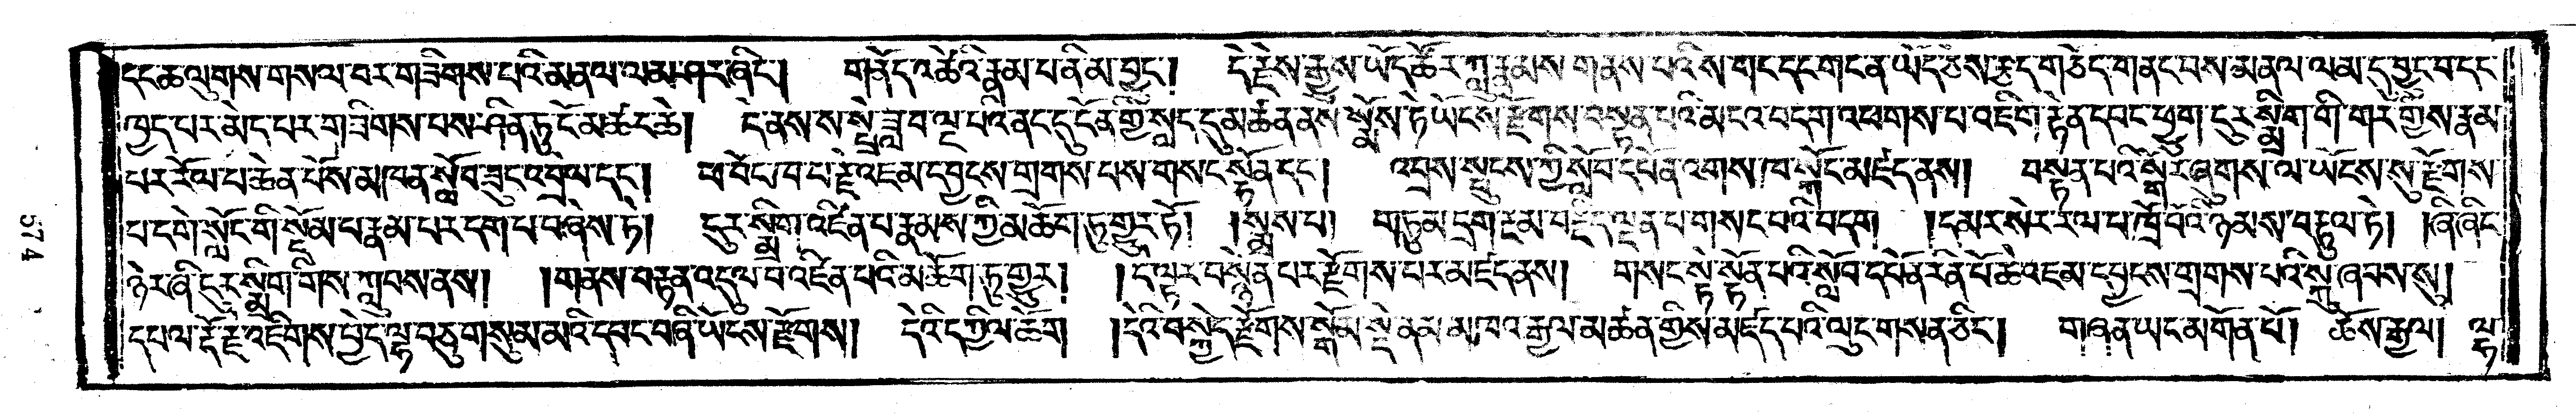དང་ཆ་ལུགས་གསལ་བར་གཟིགས་པའི་མནལ་ལམ་ཤར་ཞིང་། གནོད་འཚེའི་རྣམ་པ་ནི་མ་བྱུང་། དེ་རྗེས་རྒྱུས་ཡོད་ཚོར་ཀླུ་རྣམས་གནས་པའི་ས་གང་དང་གང་ན་ཡོད་ཅེས་རྩད་གཅོད་གནང་བས་མནལ་ལམ་དུ་བྱུང་བ་དང་
ཁྱད་པར་མེད་པར་གཟིགས་པས་ཤིན་ཏུ་ངོ་མཚར་ཆེ། དེ་ནས་ས་སྤྲེ་ཟླ་བ་ལྔ་པའི་ནང་དུ་དོན་གྱི་སླད་དུ་མཚན་ནས་སྨོས་ཏེ་ཡོངས་རྫོགས་བསྟན་པའི་མངའ་བདག་འཕགས་པ་འཇིག་རྟེན་དབང་ཕྱུག་དུར་སྨྲིག་གི་གར་གྱིས་རྣམ་
པར་རོལ་པ་ཆེན་པོས་མཁན་སློབ་ཟུང་འབྲེལ་དང་། ཕ་བོང་ཁ་པ་རྗེ་འཇམ་དབྱངས་གྲགས་པས་གསང་སྟོན་དང་། འབྲས་སྤུངས་ཀྱི་སློབ་དཔོན་འགས་ཁ་སྐོང་མཛད་ནས། བསྟན་པའི་སྒོར་ཞུགས་ལ་ཡོངས་སུ་རྫོགས་
པ་དགེ་སློང་གི་སྡོམ་པ་རྣམ་པར་དག་པ་བཞེས་ཏེ། དུར་སྨྲིག་འཛིན་པ་རྣམས་ཀྱི་མཆོག་ཏུ་གྱུར་ཏོ། །སྨྲས་པ། གཏུམ་དྲག་རྔམ་བརྗིད་ལྡན་པ་གསང་བའི་བདག །དམར་སེར་རལ་པ་ཁྲོ་བོའི་ཉམས་བརྟུལ་ཏེ། །ཞི་ཞིང་
ཉེར་ཞི་དུར་སྨྲིག་གིས་ཀླུ་བས་ནས། །གནས་བརྟན་འདུལ་བ་འཛིན་པའི་མཆོག་ཏུ་གྱུར། །དེ་ལྟར་བསྙེན་པར་རྫོགས་པར་མཛད་ནས། གསང་སྟེ་སྟོན་པའི་སློབ་དཔོན་རིན་པོ་ཆེ་འཇམ་དབྱངས་གྲགས་པའི་སྐུ་ཞབས་སུ།
དཔལ་རྡོ་རྗེ་འཇིགས་བྱེད་ལྷ་བཅུ་གསུམ་མའི་དབང་བཞི་ཡོངས་རྫོགས། དེའི་དཀྱིལ་ཆོག །དེའི་བསྐྱེད་རྫོགས་སྒོམ་སྡེ་ནམ་མཁའ་རྒྱལ་མཚན་གྱིས་མཛད་པའི་ལུང་གསན་ཅིང་། གཞན་ཡང་མགོན་པོ། ཆོས་རྒྱལ། ལྷ་